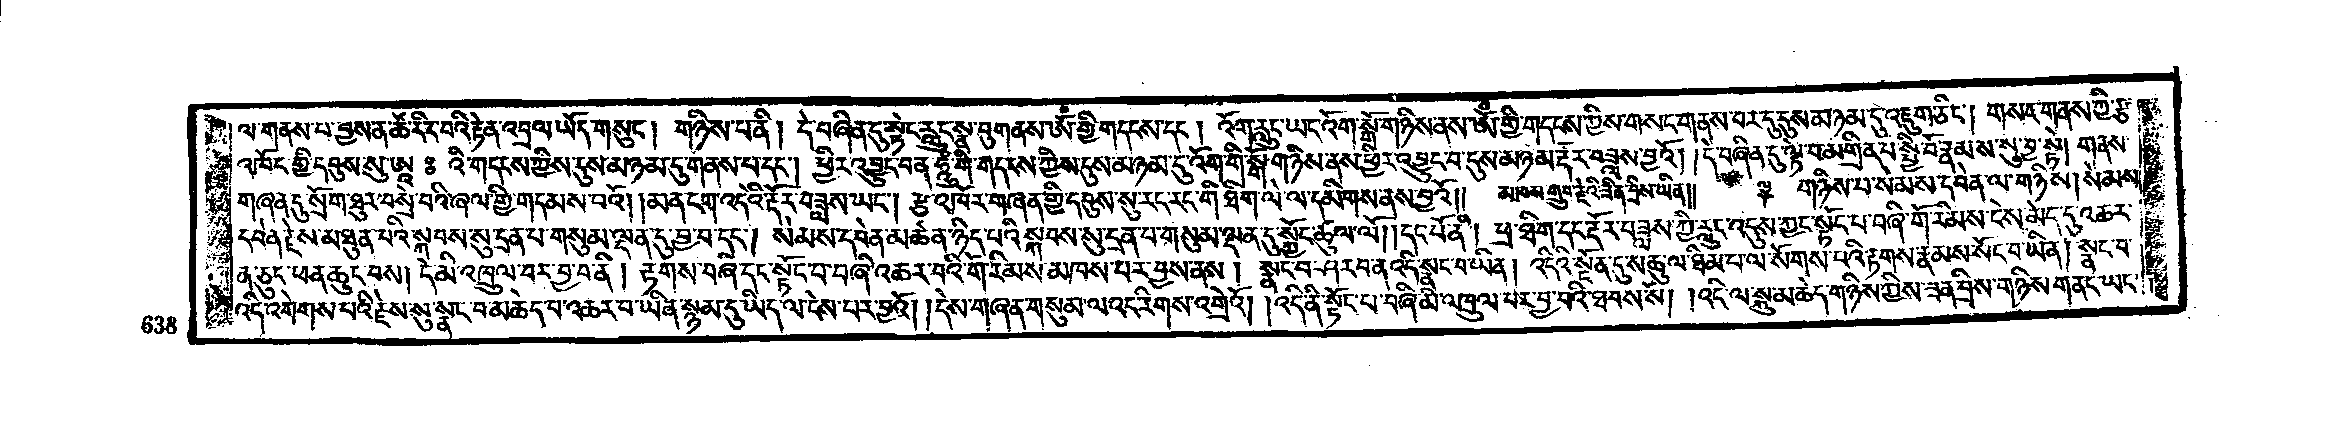ལ་གནས་པ་བྱས་ན་ཚེ་རིང་བའི་རྟེན་འབྲལ་ཡོད་གསུང་། གཉིས་པ་ནི། དེ་བཞིན་དུ་སྟེང་རླུང་སྣ་བུག་ནས་ཨོཾ་གྱི་གདངས་དང་། འོག་རླུང་ཡང་འོག་སྒོ་གཉིས་ནས་ཨོཾ་གྱི་གདངས་ཀྱིས་གསང་གནས་བར་དུ་དུས་མཉམ་དུ་འཇུག་ཅིང་། གསང་གནས་ཀྱི་རྩ་
འཁོར་གྱི་དབུས་སུ་ཨཱཿ འི་གདངས་ཀྱིས་དུས་མཉམ་དུ་གནས་པ་དང་། ཕྱིར་འབྱུང་བ་ན་ཧཱུཾ་གི་གདངས་ཀྱིས་དུས་མཉམ་དུ་འོག་གི་སྒོ་གཉིས་ནས་ཕྱིར་འབྱུང་བ་དུས་མཉམ་རྡོར་བཟླས་བྱའོ། །དེ་བཞིན་དུ་ལྟེ་བ་མགྲིན་པ་སྤྱི་བོ་རྣམས་སུ་བྱ་སྟེ། གནས་
གཞན་དུ་སྲོག་ཐུར་བསྲེ་བའི་ཞལ་གྱི་གདམས་པའོ། །མན་ངག་འདིའི་རྡོར་བཟླས་ཡང་། རྩ་འཁོར་གཞན་གྱི་དབུས་སུ་རང་རང་གི་ཐིག་ལེ་ལ་དམིགས་ནས་བྱའོ།། མཁས་གྲུབ་རྗེའི་ཟིན་བྲིས་ཡིན།།  ༈ གཉིས་པ་སེམས་དབེན་ལ་གཉིས། སེམས་
དབེན་རྗེས་མཐུན་པའི་སྐབས་སུ་དྲན་པ་གསུམ་ལྡན་དུ་བྱ་བ་དང་། སེམས་དབེན་མཚན་ཉིད་པའི་སྐབས་སུ་དྲན་པ་གསུམ་ལྡན་དུ་སྐྱོད་ཚུལ་ལོ། །དང་པོ་ནི། ཕྲ་ཐིག་དང་རྡོར་བཟླས་ཀྱི་རླུང་འདུས་ཀྱང་སྟོང་པ་བཞི་གོ་རིམས་ངས་མེད་དུ་འཆར་
ན་ཅུང་ཕན་ཆུང་བས། དེ་མེ་འཁྲུལ་བར་བྱ་བ་ནི། རྟགས་བཞི་དང་སྟོང་པ་བཞི་འཆར་བའི་གོ་རིམས་མཁས་པར་བྱས་ནས། སྣང་བ་ཤར་བ་ན་འདི་སྣང་བ་ཡིན། འདིའི་སྔོན་དུ་ས་ཆུ་ལ་ཐིམ་པ་ལ་སོགས་པའི་རྟགས་རྣམས་སོང་བ་ཡིན། སྣང་བ་
འདི་འགགས་པའི་རྗེས་སུ་སྣང་བ་མཆེད་པ་འཆར་བ་ཡིན་སྙམ་དུ་ཡིན་ལ་ངེས་པར་བྱའོ། །དེས་གཞན་གསུམ་ལའང་རིགས་འགྲེའོ། །འདི་ནི་སྟོང་པ་བཞི་མི་འཁྲུལ་བར་བྱ་བའི་ཐེབས་སོ། །འདི་ལ་སྐུ་མཆེད་གཉིས་ཀྱིས་ཟན་བྲིས་གཉིས་གནང་ཡང་